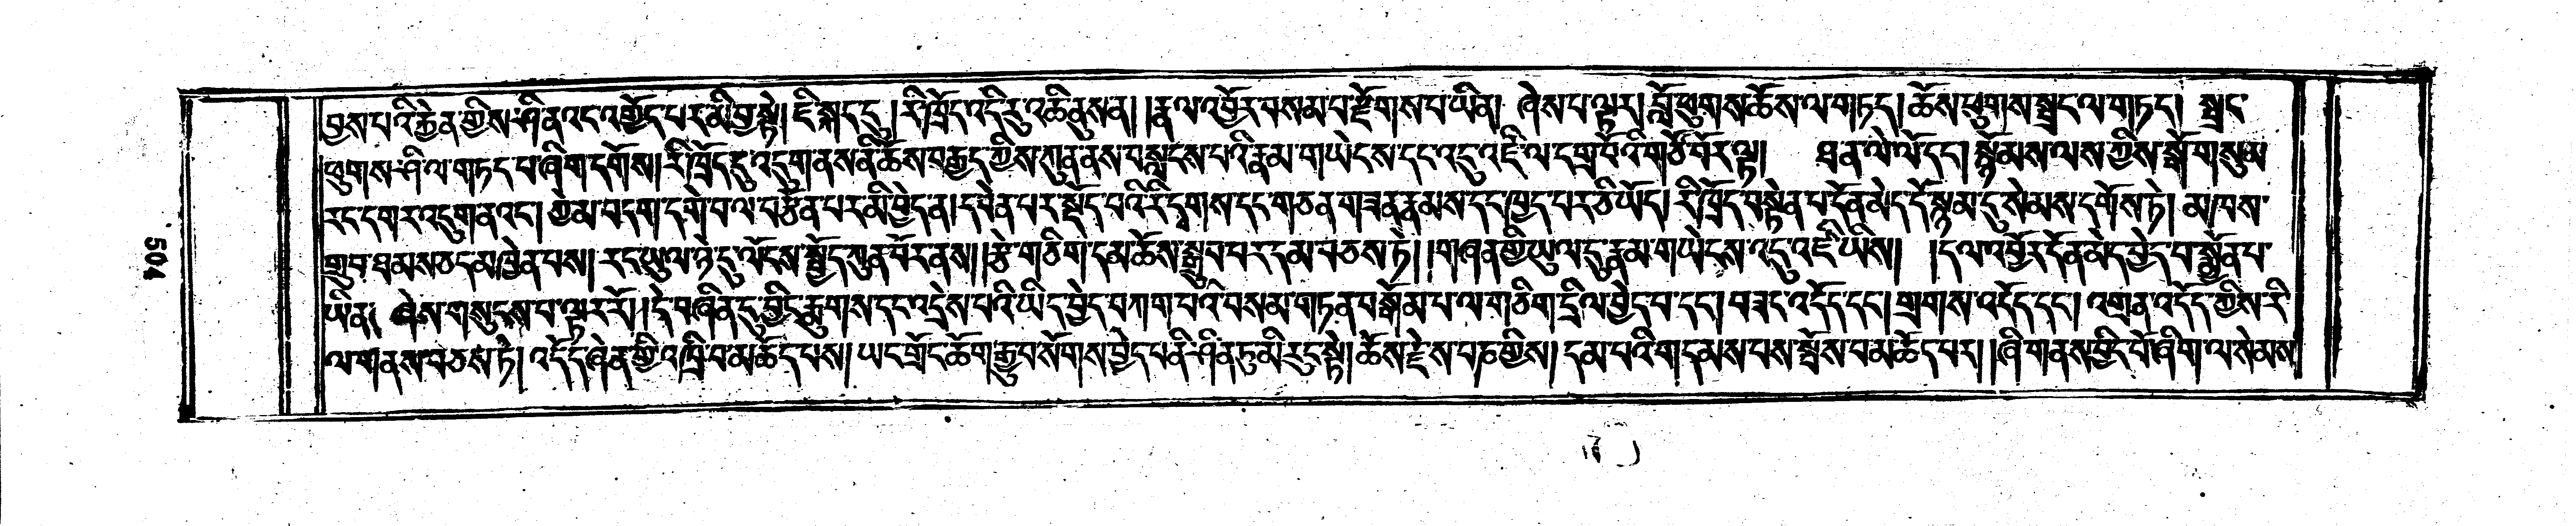བྱས་པའི་རྐྱེན་གྱིས་ཤི་ནའང་འགྱོད་པར་མི་བྱ་སྟེ། ཇི་སྐད་དུ། རི་ཁྲོད་འདི་རུ་འཆི་ནུས་ན། །རྣལ་འབྱོར་བསམ་པ་རྫོགས་པ་ཡིན། ཞེས་པ་ལྟར། བློ་ཕུགས་ཆོས་ལ་གཏད། ཆོས་ཕུགས་སྤྲང་ལ་གཏད། སྤྲང་
ཕུགས་ཤི་ལ་གཏད་པ་ཞིག་དགོས། རི་ཁྲོད་དུ་འདུག་ནས་ནི་ཆོས་བརྒྱད་ཀྱིས་ཀུན་ནས་བསླངས་པའི་རྣམ་གཡེངས་དང་འདུ་འཛི་ལ་དགྲ་བོའི་གཙོ་བོར་ལྟ། ཐ་ན་ལེ་ལོ་དང་། སྙོམས་ལས་ཀྱིས་སྒོ་གསུམ་
རང་དགར་འདུག་ནའང་། ཀྱེ་མ་བདག་དགེ་བ་ལ་བརྩོན་པར་མི་བྱེད་ན། དབེན་པར་སྡོད་པའི་རི་དྭགས་དང་གཅན་གཟན་རྣམས་དང་ཁྱད་པར་ཅི་ཡོད། རི་ཁྲོད་བསྟེན་པ་དོན་མེད་དོ་སྙམ་དུ་སེམས་དགོས་ཏེ། མཁས་
གྲུབ་ཐམས་ཅད་མཁྱེན་པས། རང་ཡུལ་ཉེ་དུ་ལོངས་སྤྱོད་ཀུན་བོར་ནས། །རྩེ་གཅིག་དམ་ཆོས་སྒྲུབ་པར་དམ་བཅས་ཏེ། །གཞན་གྱི་ཡུལ་དུ་རྣམ་གཡེངས་འདུ་འཛི་ཡིས། །དལ་འབྱོར་དོན་མེད་བྱེད་པ་སྨྱོན་པ་
ཡིན། ཞེས་གསུངས་པ་ལྟར་རོ། །དེ་བཞིན་དུ་བྱིང་རྨུགས་དང་འདྲེས་པའི་ཡིད་བྱེད་བཀག་པའི་བསམ་གཏན་བསྒོམ་པ་ལ་གཅིག་དྲིལ་བྱེད་པ་དང་། བཟང་འདོད་དང་། གྲགས་འདོད་དང་། འགྲན་འདོད་ཀྱིས་རི་
ལ་གནས་བཅས་ཏེ། འདོད་ཞེན་གྱི་འཁྲི་བ་མཆོད་པས། ཡང་གྲོང་ཆོག་རྒྱུ་བ་སོགས་བྱེད་པ་ནི་ཤིན་ཏུ་མི་རུང་སྟེ། ཆོས་རྗེ་ས་པཎ་གྱིས། དམ་པའི་གདམས་པས་སྦོས་པ་མཆོད་པར། །ཞི་གནས་བྱིང་པོ་ཞིག་ལ་སེམས་